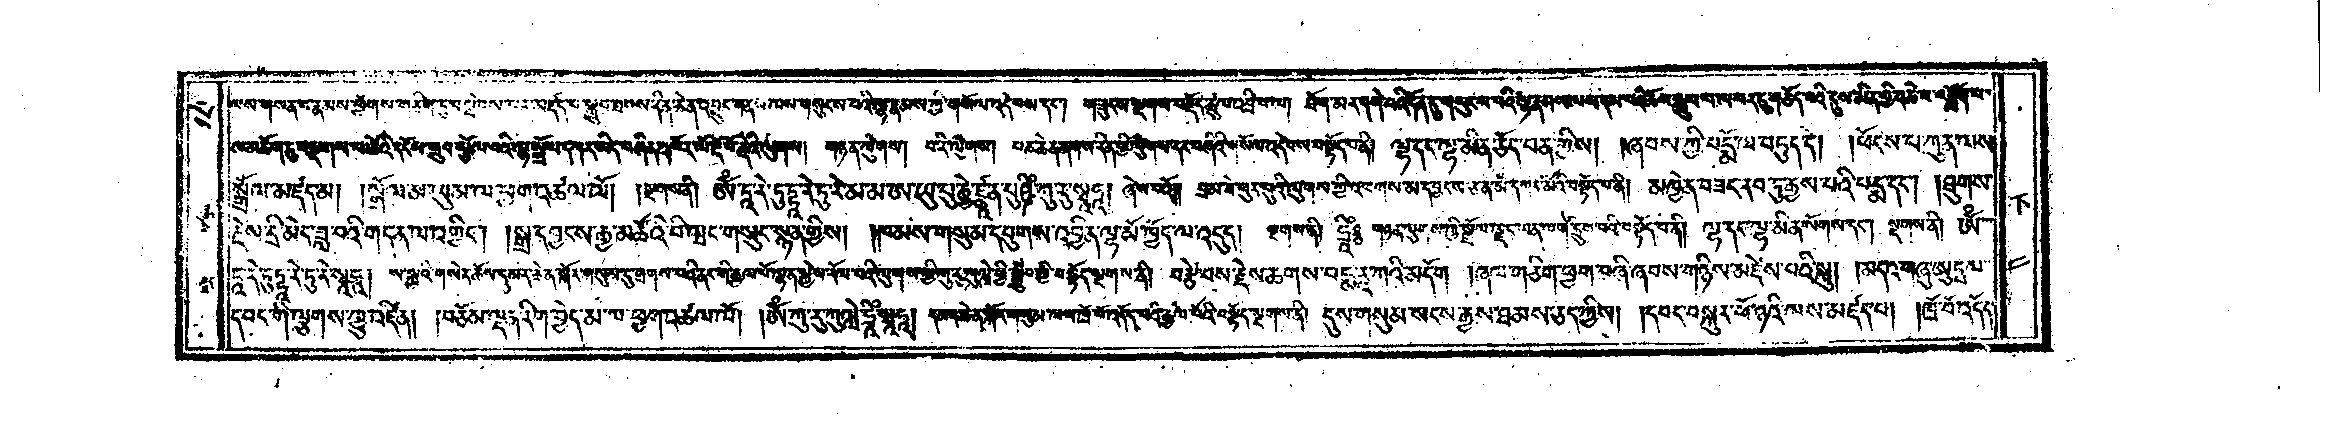ལས་གསན་པ་རྣམས་ཕྱོགས་གཅིག་ཏུ་བསྡེབས་པར་མཛད་པ་སྒྲུབ་ཐབས་རིན་ཆེན་འབྱུང་གནས་ལས་གསུངས་པའི་ལྷ་རྣམས་ཀྱི་གསོལ་འདེབས་དང་། གཟུངས་སྔགས་བརྗོད་ཚུལ་འབྲི་བ་ལ། ཐོག་མར་དགེ་བའི་དོན་དུ་གསུངས་པའི་ལྷ་རྣམས་ལས་དམ་པའི་ཆོས་སྒྲུབ་པ་ལ་བར་དུ་གཅོད་པའི་དུས་མིན་གྱི་འཆེ་བ་བཟློག་པ་
ལ་མཆོག་ཏུ་བསྔགས་པ་ཚེའི་དངོས་གྲུབ་སྩོལ་བའི་ལྷ་སྒྲོལ་དཀར་ཡིད་བཞིན་འཁོར་ལོ་ཇོ་བོ་རྗེའི་ལུགས༡། གཉན་ལུགས༢། བར་ལུགས༣། པཎ་ཆེན་ནགས་རིན་གྱི་ལུགས༤་དང་བཞིའི་གསོལ་འདེབས་བསྟོད་པ་ནི། ལྷ་དང་ལྷ་མིན་ཅོད་པན་གྱིས། །ཞབས་ཀྱི་པདམོ་ལ་བཏུད་དེ། །ཕོངས་པ་ཀུན་ལས་
སྒྲོལ་མཛད་མ། །སྒྲོལ་མ་ཡུམ་ལ་ཕྱག་འཚལ་ལོ། །སྔགས་ནི།  ཨོཾ་ཏཱ་རེ་ཏུ་ཏྟཱ་རེ་ཏུ་རེ་མ་མ་ཨ་ཡུ་པུ་ཎྱེ་ཛྙཱ་ན་པུ་ཥྜིཾ་ཀུ་རུ་སྭཱཧཱ། ཞེས་བའོ།། བྲམ་ཟེ་ཕུར་བུའི་ལུགས་ཀྱི་འཕགས་མ་དབྱངས་ཅན་མ༥་དཀར་མོའི་བསྟོད་པ་ནི། མཁྱེན་བཟང་རབ་ཏུ་རྒྱས་པའི་པདམ་དང་། །ཐུགས་
རྗེས་དྲི་མེད་ཟླ་བའི་གདན་ལ་འགྱིང་། །སྒྲ་དབྱངས་རྒྱ་མཚོའི་བི་ཝང་གསུང་སྙན་གྱིས། །ཁམས་གསུམ་དབུགས་འབྱིན་ལྷ་མོ་ཁྱོད་ལ་འདུད། སྔགས་ནི།  ཧྲཱིཾ༠?༠་གཉན་ལུགས་ཀྱི་སྒྲོལ་ལྗང་ཡན་ལག༦་དྲུག་བའི་བསྟོད་པ་ནི། ལྷ་དང་ལྷ་མིན་སོགས་དང་། སྔགས་ནི།  ཨོཾ་
ཏཱ་རེ་ཏུཏྟཱ་རེ་ཏུ་རེ་སྭཱཧཱ། ས་སྐྱའི་གསེར་ཆོས་དམར་ཆེན་སྐོར་གསུམ་དུ་གྲགས་པའི་ནང་གི་རྒྱལ་པོ་ལྷན་སྐྱེས་རོལ་པའི་ལུགས་ཀྱི་ཀུ་རུ་ཀུལླེ་ཕྱི་སྒྲུབ༧་ཀྱི་བསྟོད་སྔགས་ནི། བརྩེ་བས་རྗེས་ཆགས་པདམ་རཱ་ཀའི་མདོག །ཞལ་གཅིག་ཕྱག་བཞི་ཞབས་གཉིས་མཛེས་པའི་སྐུ། །མདའ་གཞུ་ཨུཏྤལ་
དབང་གི་ལྕགས་ཀྱུ་འཛིན། །བཅོམ་ལྡན་རིག་བྱེད་མ་ལ་ཕྱག་འཚལ་ལོ། །ཨོཾ་ཀུ་རུ་ཀུལླེ་ཧྲཱིཾ་སྭཱཧཱ། དམར་ཆེན་སྐོར་གསུམ་ལས་ཁྲོ་བོ་འདོད་པའི་རྒྱལ༨་པོའི་བསྟོད་སྔགས་ནི། དུས་གསུམ་སངས་རྒྱས་ཐམས་ཅད་ཀྱིས། །དབང་བསྐུར་ཕོ་ཉའི་ལས་མཛད་པ། །ཁྲོ་བོ་འདོད་